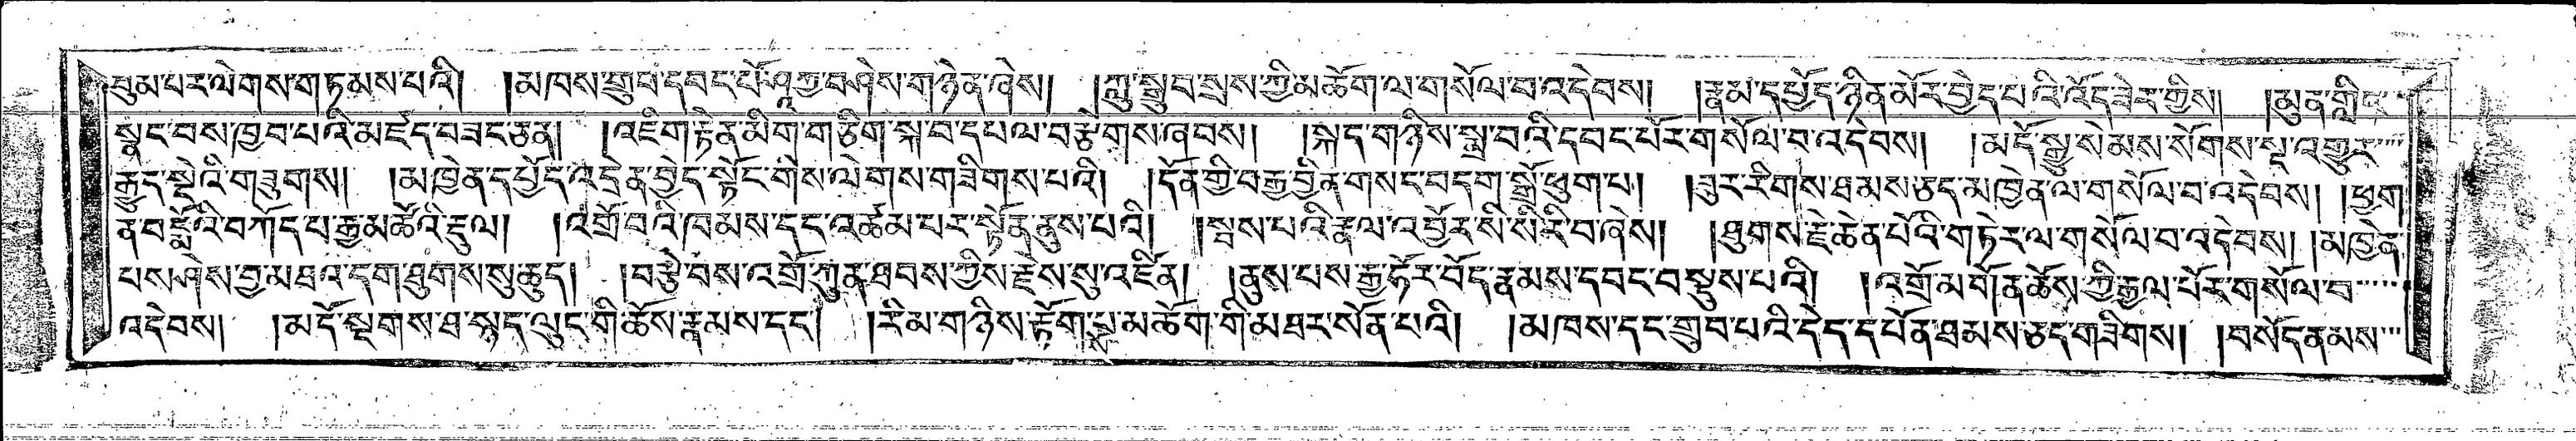བུམ་པར་ལེགས་གཏམས་པའི། །མཁས་གྲུབ་དབང་པོ་ཤཱཀྱ་བཤེས་གཉེན་ཞེས། །ཀླུ་སྒྲུབ་སྲས་ཀྱི་མཆོག་ལ་གསོལ་བ་འདེབས། །རྣམ་དཔྱོད་ཉིན་མོར་བྱེད་པའི་འོད་ཟེར་གྱིས། །མུན་གླིང་
སྣང་བས་ཁྱབ་པའི་མཛད་བཟང་ཅན། །འཇིག་རྟེན་མིག་གཅིག་སྐ་བ་དཔལ་བརྩེགས་ཞབས། །སྐད་གཉིས་སྨྲ་བའི་དབང་པོར་གསོལ་བ་འདེབས། །མདོ་སྒྱུ་སེམས་སོགས་སྔ་འགྱུར་
རྒྱུད་སྡེའི་གཟུགས། །མཁྱེན་དཔྱོད་འདྲེན་བྱེད་སྟོང་གིས་ལེགས་གཟིགས་པའི། །དོན་གྱི་བརྒྱ་བྱིན་གསང་བདག་སྒྲོ་ཕུག་པ། །ཟུར་རིགས་ཐམས་ཅད་མཁྱེན་ལ་གསོལ་བ་འདེབས། །ཕྱག་
ན་པདམོའི་བཀོད་པ་རྒྱ་མཚོའི་རྡུལ། །འགྲོ་བའི་ཁམས་དང་འཚམ་པར་སྟོན་ནུས་པའི། །སྦས་པའི་རྣལ་འབྱོར་སི་སིར་བ་ཞེས། །ཐུགས་རྗེ་ཆེན་པོའི་གཏེར་ལ་གསོལ་བ་འདེབས། །མཁྱེན་
པས་ཤེས་བྱ་མཐའ་དག་ཐུགས་སུ་ཆུད། །བརྩེ་བས་འགྲོ་ཀུན་ཐབས་ཀྱིས་རྗེས་སུ་འཛིན། །ནུས་པས་རྒྱ་ཧོར་བོད་རྣམས་དབང་བསྡུས་པའི། །འགྲོ་མགོན་ཆོས་ཀྱི་རྒྱལ་པོར་གསོལ་བ་
འདེབས། །མདོ་སྔགས་ཐ་སྙད་ལུང་གི་ཆོས་རྣམས་དང་། །རིམ་གཉིས་རྟོགས་པ་མཆོག་གི་མཐར་སོན་པའི། །མཁས་དང་གྲུབ་པའི་དེད་དཔོན་ཐམས་ཅད་གཟིགས། །བསོད་ནམས་